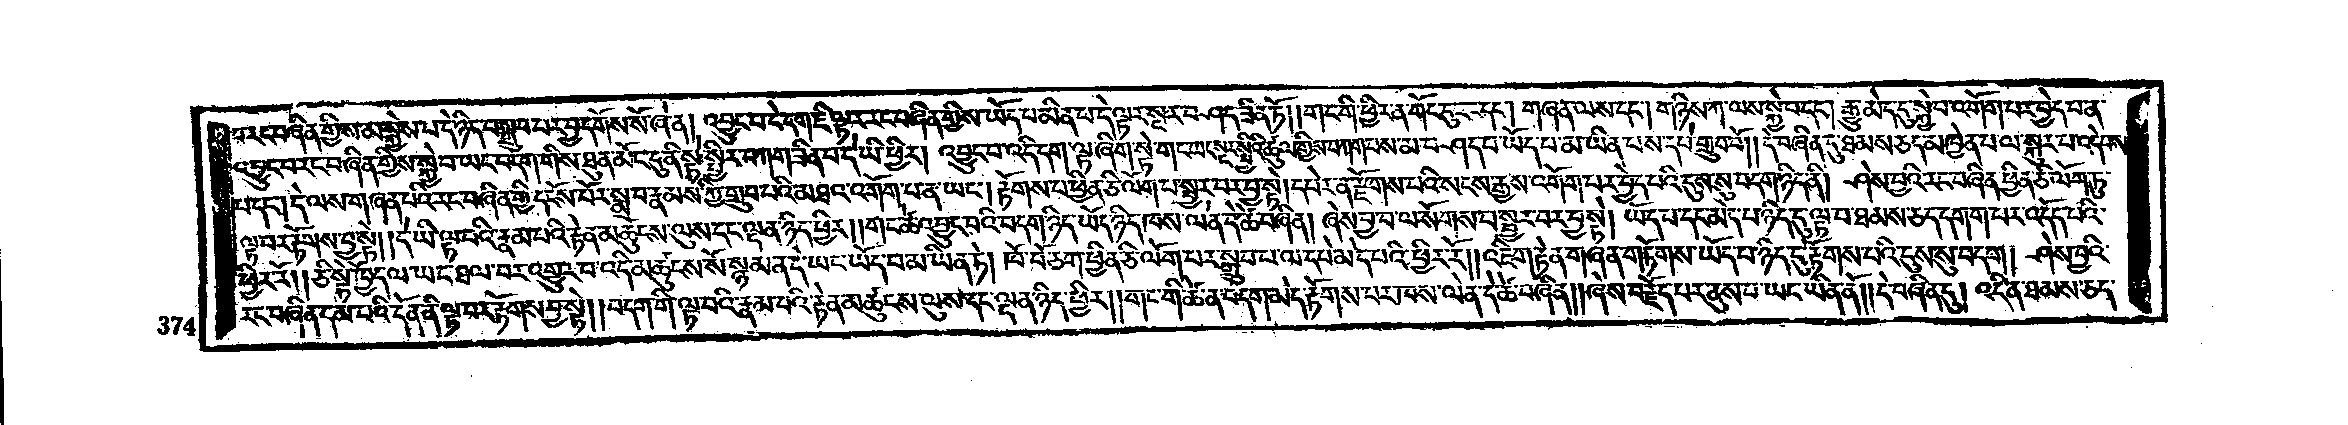བ་རང་བཞིན་གྱིས་མ་སྐྱེས་པ་དེ་ཉིད་བསྒྲུབ་པར་བྱ་དགོས་སོ་ཞེ་ན། འབྱུང་བ་དེ་དག་ཇི་ལྟར་རང་བཞིན་གྱིས་ཡོད་པ་མིན་པ་དེ་ལྟར་སྔར་བཤད་ཟིན་ཏོ། །གང་གི་ཕྱིར་ན་གོང་དུ་རང་དང་། གཞན་ལས་དང་། གཉིས་ཀ་ལས་སྐྱེ་བ་དང་། རྒྱུ་མེད་དུ་སྐྱེ་བ་འགོག་པར་བྱེད་པ་ན་
འབྱུང་བ་རང་བཞིན་གྱིས་སྐྱེ་བ་ཡང་བདག་གིས་ཐུན་མོང་དུ་ནི་སྟེ་སྤྱིར་བཀག་ཟིན་པ་དེ་ཡི་ཕྱིར། འབྱུང་བ་འདི་དག་ལྟ་ཞིག་སྟེ་གང་ཡང་སྔར་སྤྱིའི་ཚུལ་གྱིས་བཀག་པས་མ་བཤད་པ་ཡོད་པ་མ་ཡིན་པས་དཔེ་གྲུབ་བོ། །དེ་བཞིན་དུ་ཐམས་ཅད་མཁྱེན་པ་ལ་སྐུར་པ་འདེབས་
པ་དང་། དེ་ལས་གཞན་པའི་རང་བཞིན་གྱི་དངོས་པོར་སྨྲ་བ་རྣམས་ཀྱི་གྲུབ་པའི་མཐའ་འགོག་པ་ན་ཡང་། རྟོགས་པ་ཕྱིན་ཅི་ལོག་པ་སྦྱར་བར་བྱ་སྟེ། དཔེར་ན་རྫོགས་པའི་སངས་རྒྱས་འགོག་པར་བྱེད་པའི་དུས་སུ་བདག་ཉིད་ནི། ཤེས་བྱའི་རང་བཞིན་ཕྱིན་ཅི་ལོག་ཏུ་
ལྟ་བར་རྟོགས་བྱ་སྟེ། །དེ་ཡི་ལྟ་བའི་རྣམ་པའི་རྟེན་མཚུངས་ལུས་དང་ལྡན་ཉིད་ཕྱིར། །གང་ཚེ་འབྱུང་བའི་བདག་ཉིད་ཡོད་ཉིད་ཁས་ལེན་དེ་ཚེ་བཞིན། ཞེས་བྱ་བ་ལ་སོགས་པ་སྦྱར་བར་བྱ་སྟེ། ཡོད་པ་དང་མེད་པ་ཉིད་དུ་ལྟ་བ་ཐམས་ཅད་དགག་པར་འདོད་པའི་
ཕྱིར་རོ། །ཅི་སྟེ་ཁྱོད་ལ་ཡང་ཐལ་བར་འགྱུར་བ་འདི་མཚུངས་སོ་སྙམ་ན་དེ་ཡང་ཡོད་པ་མ་ཡིན་ཏེ། ཁོ་བོ་ཅག་ཕྱིན་ཅི་ལོག་པར་སྒྲུབ་པ་ལ་དཔེ་མེད་པའི་ཕྱིར་རོ། །འཇིག་རྟེན་གཞན་གཏོགས་ཡོད་པ་ཉིད་དུ་རྟོགས་པའི་དུས་སུ་བདག །ཤེས་བྱའི་
རང་བཞིན་དམ་པའི་དོན་ནི་ལྟ་བར་རྟོགས་བྱ་སྟེ། །བདག་གི་ལྟ་བའི་རྣམ་པའི་རྟེན་མཚུངས་ལུས་དང་ལྡན་ཉིད་ཕྱིར། །གང་གི་ཚེ་ན་བདག་མེད་རྟོགས་པར་ཁས་ལེན་དེ་ཚེ་བཞིན། །ཞེས་བརྗོད་པར་ནུས་པ་ཡང་ཡིན་ནོ། །དེ་བཞིན་དུ། འདི་ན་ཐམས་ཅད་